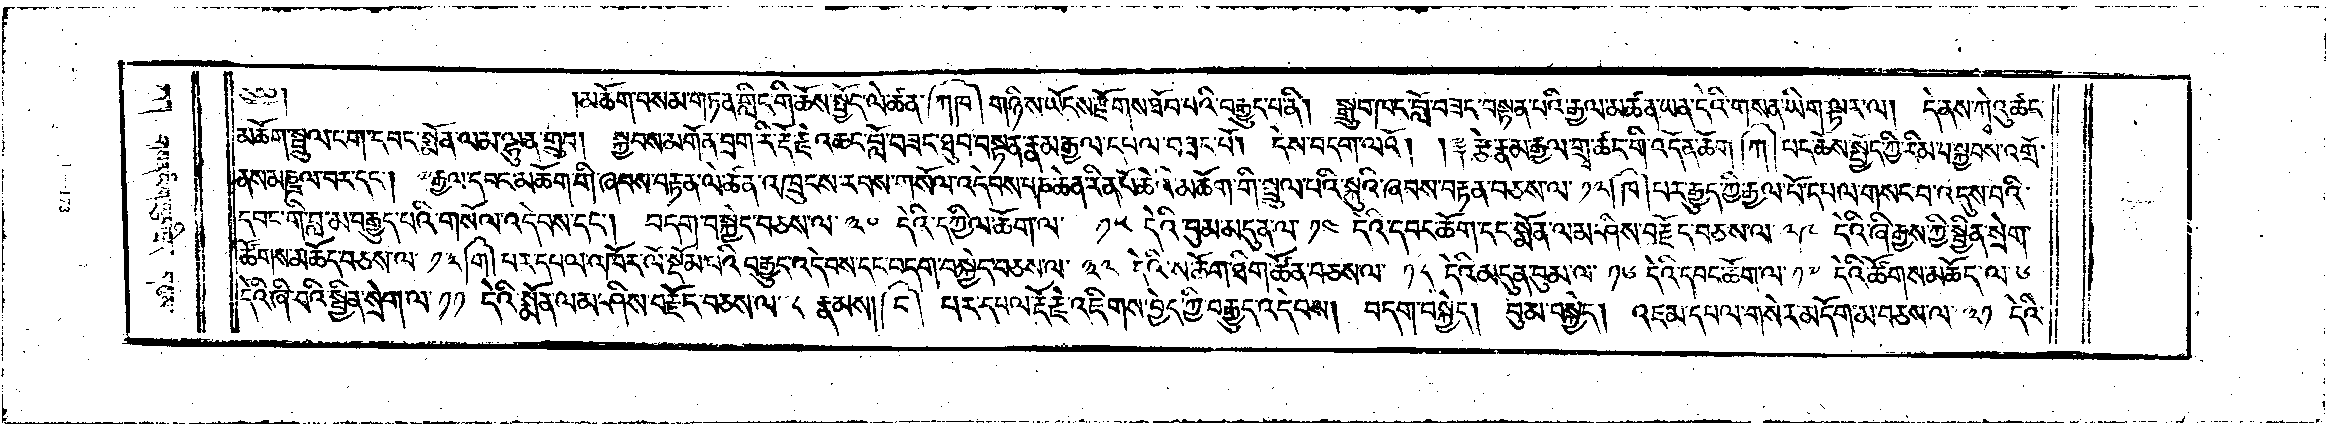༄༅། །མཆོག་བསམ་གཏན་གླིང་གི་ཆོས་སྤྱོད་ལེ་ཚན ༼ཀ་ཁ༽ གཉིས་ཡོངས་རྫོགས་ཐོབ་པའི་བརྒྱུད་བ་ནི། སྒྲུབ་ཁང་བློ་བཟང་བསྟན་པའི་རྒྱལ་མཚན་ཡན་དེའི་གསན་ཡིག་ལྟར་ལ། དེ་ནས་ཀྭེའུ་ཚང་
མཆོག་སྤྲུལ་ངག་དབང་སྨོན་ལམ་ལྷུན་གྲུབ། སྐྱབས་མགོན་བྲག་རི་རྡོ་རྗེ་འཆང་བློ་བཟང་ཐུབ་བསྟན་རྣམ་རྒྱལ་དཔལ་བཟང་པོ། དེས་བདག་ལའོ། ། ༈ རྩེ་རྣམ་རྒྱལ་གྲྭ་ཚང་གི་འདོན་ཆོག ༼ཀ༽ པད་ཆོས་སྤྱོད་ཀྱི་རིམ་པ་སྐྱབས་འགྲོ་
ནས་མཎྜལ་བར་དང་། ༧རྒྱལ་དབང་མཆོག་གི་ཞབས་བརྟན་ལེ་ཚན་འཁྲུངས་རབས་གསོལ་འདེབས་པཎ་ཆེན་རིན་པོ་ཆེའི་མཆོག་གི་སྤྲུལ་པའི་སྐུའི་ཞབས་བརྟན་བཅས་ལ ༡༢ ༼ཁ༽ པར་རྒྱུད་ཀྱི་རྒྱལ་པོ་དཔལ་གསང་བ་འདུས་བའི་
དབང་གི་བླ་མ་བརྒྱུད་པའི་གསོལ་འདེབས་དང་། བདག་བསྐྱེད་བཅས་ལ ༣༠་དེའི་དཀྱིལ་ཆོག་ལ ༡༥་དེའི་བུམ་མདུན་ལ ༡༤་དེའི་དབང་ཆོག་དང་སྨོན་ལམ་ཤིས་བརྗོད་བཅས་ལ ༢༩་དེའི་ཞི་རྒྱས་ཀྱི་སྦྱིན་སྲེག་
ཚོགས་མཆོད་བཅས་ལ ༡༣ ༼ག༽ པར་དཔལ་འཁོར་ལོ་སྡོམ་པའི་བརྒྱུད་འདེབས་དང་བདག་བསྐྱེད་བཅས་ལ ༣༢་དེའི་ས་ཆོག་ཐིག་ཚོན་བཅས་ལ ༡༨་དེའི་མདུན་བུམ་ལ ༡༦་དེའི་དབང་ཆོག་ལ ༡༧་དེའི་ཚོགས་མཆོད་ལ ༦
དེའི་ཞི་བའི་སྦྱིན་སྲེག་ལ ༡༡་དེའི་སྨོན་ལམ་ཤིས་བརྗོད་བཅས་ལ ༨་རྣམས། ༼ང༽ པར་དཔལ་རྡོ་རྗེ་འཇིགས་བྱེད་ཀྱི་བརྒྱུད་འདེབས། བདག་བསྐྱེད། བུམ་བསྐྱེད། འཇམ་དཔལ་གསེར་མདོག་མ་བཅས་ལ ༣༡་དེའི་